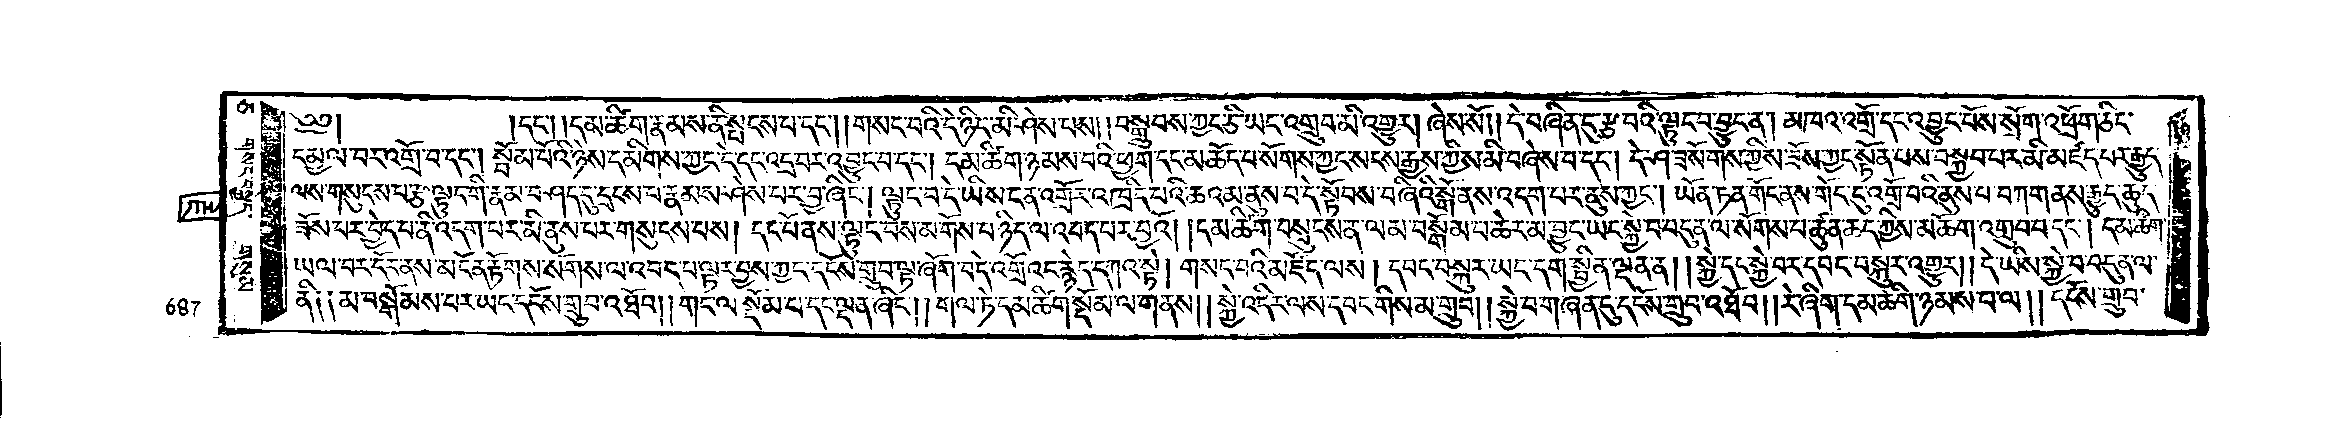༄༅། །དང་། །དམ་ཚིག་རྣམས་ནི་སྤངས་པ་དང་། །གསང་བའི་དེ་ཉིད་མི་ཤེས་པས། །བསྒྲུབས་ཀྱང་ཅི་ཡང་འགྲུབ་མི་འགྱུར། ཞེས་སོ། །དེ་བཞིན་དུ་རྩ་བའི་ལྟུང་བ་བྱུང་ན། མཁའ་འགྲོ་དང་འབྱུང་པོས་སྲོག་འཕྲོག་ཅིང་
དམྱལ་བར་འགྲོ་བ་དང་། སྦོམ་པོའི་ཉེས་དམིགས་ཀྱང་དེ་དང་འདྲ་བར་འབྱུང་བ་དང་། དམ་ཚིག་ཉམས་པའི་ཕྱག་དང་མཆོད་པ་སོགས་ཀྱང་སངས་རྒྱས་ཀྱིས་མི་བཞེས་པ་དང་། དེ་ཤ་ཟ་སོགས་ཀྱིས་ཟོས་ཀྱང་སྟོན་པས་བསྐྱབ་པར་མི་མཛད་པར་རྒྱུད་
ལས་གསུངས་པ་རྩ་ལྟུང་གི་རྣམ་བཤད་དུ་དྲངས་པ་རྣམས་ཤེས་པར་བྱ་ཞིང་། ལྟུང་བ་དེ་ཡིས་ངན་འགྲོར་འཁྲིད་པའི་ཆའམ་ནུས་པ་དེ་སྟོབས་བཞིའི་སྒོ་ནས་འདག་པར་ནུས་ཀྱང་། ཡོན་ཏན་གོང་ནས་གོང་དུ་འགྲོ་བའི་ནུས་པ་བཀག་ནས་རྒྱུད་ཆུད་
ཟོས་པར་བྱེད་པ་ནི་འདག་པར་མི་ནུས་པར་གསུངས་པས། དང་པོ་ནས་ལྟུང་བས་མ་གོས་པ་ཉིད་ལ་འབད་པར་བྱའོ། །དམ་ཚིག་བསྲུངས་ན་ལམ་བསྒོམ་པ་ཆེར་མ་བྱུང་ཡང་སྐྱེ་བ་བདུན་ལ་སོགས་པ་ཚུན་ཆད་ཀྱིས་མཆོག་འགྲུབ་པ་དང་། དམ་ཚིག་
ཡལ་བར་དོར་ནས་མངོན་རྟོགས་སོགས་ལ་འབད་པ་ལྟར་བྱས་ཀྱང་དངོས་གྲུབ་ལྟ་ཞོག་བདེ་འགྲོའང་རྙེད་དཀའ་སྟེ། གསང་བའི་མཛོད་ལས། དབང་བསྐུར་ཡང་དག་སྦྱིན་ལྡན་ན། །སྐྱེ་དང་སྐྱེ་བར་དབང་བསྐུར་འགྱུར། །དེ་ཡིས་སྐྱེ་བ་བདུན་ལ་
ནི། །མ་བསྒོམས་པར་ཡང་དངོས་གྲུབ་འཐོབ། །གང་ལ་སྡོམ་པ་དང་ལྡན་ཞིང་། །གལ་ཏེ་དམ་ཚིག་སྡོམ་ལ་གནས། །སྐྱེ་འདིར་ལས་དབང་གིས་མ་གྲུབ། །སྐྱེ་བ་གཞན་དུ་དངོས་གྲུབ་འཐོབ། །རེ་ཞིག་དམ་ཚིག་ཉམས་པ་ལ། །དངོས་གྲུབ་